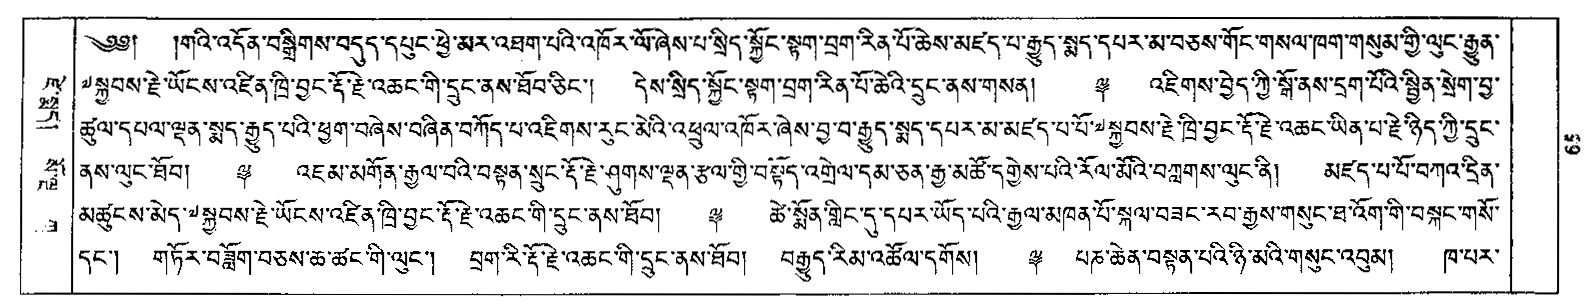༄༅། །གའི་འདོན་བསྒྲིགས་བདུད་དཔུང་ཕྱེ་མར་འཐག་པའི་འཁོར་ལོ་ཞེས་པ་སྲིད་སྐྱོང་སྟག་བྲག་རིན་པོ་ཆེས་མཛད་པ་རྒྱུད་སྨད་དཔར་མ་བཅས་གོང་གསལ་ཁག་གསུམ་གྱི་ལུང་རྒྱུན་
༧སྐྱབས་རྗེ་ཡོངས་འཛིན་ཁྲི་བྱང་རྡོ་རྗེ་འཆང་གི་དྲུང་ནས་ཐོབ་ཅིང་། དེས་སྲིད་སྐྱོང་སྟག་བྲག་རིན་པོ་ཆེའི་དྲུང་ནས་གསན། ༈ འཇིགས་བྱེད་ཀྱི་སྒོ་ནས་དྲག་པོའི་སྦྱིན་སྲེག་བྱ་
ཚུལ་དཔལ་ལྡན་སྨད་རྒྱུད་པའི་ཕྱག་བཞེས་བཞིན་བཀོད་པ་འཇིགས་རུང་མེའི་འཕྲུལ་འཁོར་ཞེས་བྱ་བ་རྒྱུད་སྨད་དཔར་མ་མཛད་པ་པོ་༧སྐྱབས་རྗེ་ཁྲི་བྱང་རྡོ་རྗེ་འཆང་ཡིན་པ་རྗེ་ཉིད་ཀྱི་དྲུང་
ནས་ལུང་ཐོབ། ༈ འཇམ་མགོན་རྒྱལ་བའི་བསྟན་སྲུང་རྡོ་རྗེ་ཤུགས་ལྡན་རྩལ་གྱི་བསྟོད་འགྲེལ་དམ་ཅན་རྒྱ་མཚོ་དགྱེས་པའི་རོལ་མོའི་བཀླགས་ལུང་ནི། མཛད་པ་པོ་བཀའ་དྲིན་
མཚུངས་མེད་༧སྐྱབས་རྗེ་ཡོངས་འཛིན་ཁྲི་བྱང་རྡོ་རྗེ་འཆང་གི་དྲུང་ནས་ཐོབ། ༈ ཚེ་སྨོན་གླིང་དུ་དཔར་ཡོད་པའི་རྒྱལ་མཁན་པོ་སྐལ་བཟང་རབ་རྒྱས་གསུང་ཐ་འོག་གི་བསྐང་གསོ་
དང་། གཏོར་བཟློག་བཅས་ཆ་ཚང་གི་ལུང་། བྲག་རི་རྡོ་རྗེ་འཆང་གི་དྲུང་ནས་ཐོབ། བརྒྱུད་རིམ་འཚོལ་དགོས། ༈ པཎ་ཆེན་བསྟན་པའི་ཉི་མའི་གསུང་འབུམ། ཁ་པར་